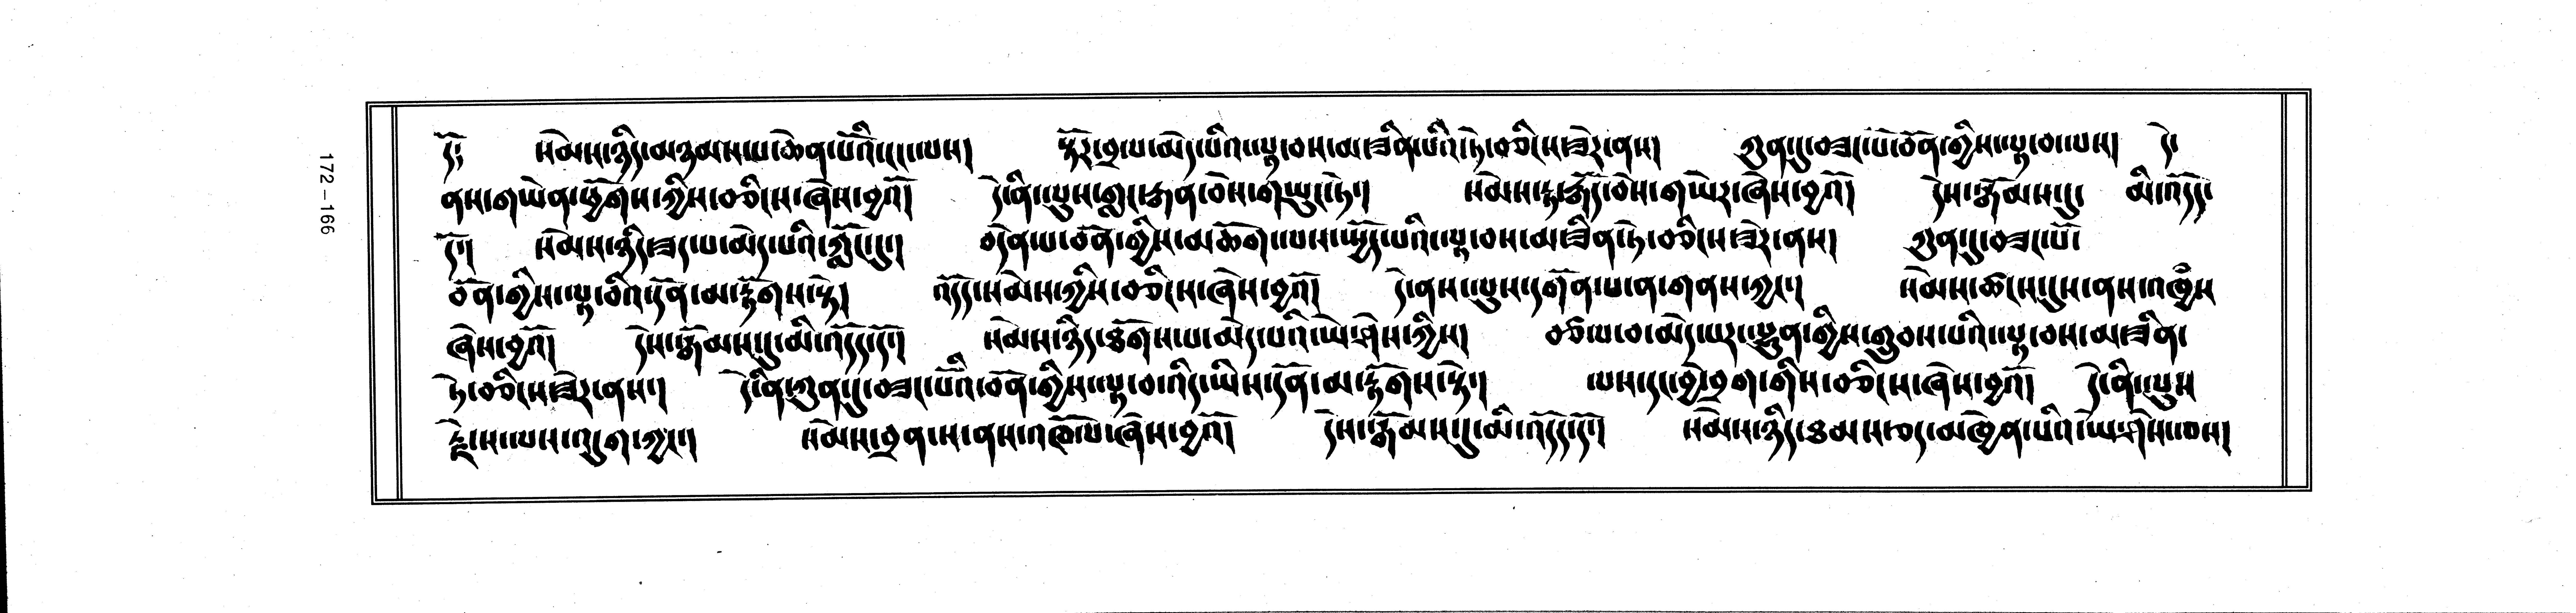དོ། སེམས་ཉིད་མཉམས་པ་ཆེན་པོའི་ངང་ལས། སྟོར་བྲལ་མེད་པའི་ལྟ་བས་མ་ཟིན་ཏེ་བཅིངས་ཟེར་ནས། ཀུན་ཏུ་བཟང་པོ་བོན་གྱིས་ལྟ་བ་ལས། དེ་
ནས་གཡེན་ཕྱོགས་ཀྱིས་བཅིངས་ཞེས་བྱའོ། དེ་ནི་ལུས་གླང་རྒན་བེས་གཡུང་ཏེ། སེམས་རྟ་རྒོད་བེས་གཡེར་ཞེས་བྱའོ། དེས་སྒོམས་དུ་མི་འདོད་
དོ། སེམས་ཉིད་ཟད་པ་མེད་པའི་ཀློང་དུ། བདེན་པ་བོན་གྱིས་མཆོག་ལས་སྤྱོད་པའི་ལྟ་བས་མ་ཟིན་ཏེ་བཅིངས་ཟེར་ནས། ཀུན་ཏུ་བཟང་པོ་
བོན་གྱིས་ལྟ་བའི་དོན་མ་རྟོགས་སྟེ། འདོད་སེམས་ཀྱིས་བཅིངས་ཞེས་བྱའོ། དེ་ནས་ལུས་དགོན་པ་ན་གནས་ཀྱང་། སེམས་ཚངས་དུས་ནས་འཁྱམས་
ཞེས་བྱའོ། དེས་སྒོམས་དུ་མི་འདོད་དོ། སེམས་ཉིད་ཐོགས་པ་མེད་པའི་ཡེ་ཤེས་ཀྱིས། བཙལ་བ་མེད་པར་ལྷུན་གྱིས་གྲུབས་པའི་ལྟ་བས་མ་ཟིན་
ཏེ་བཅིངས་ཟེར་ནས། དེ་ནི་ཀུན་ཏུ་བཟང་པོའི་བོན་གྱིས་ལྟ་བ་འདི་ཡིས་དོན་མ་རྟོགས་སྟེ། ལས་དང་བྱེ་བྲག་གིས་བཅིངས་ཞེས་བྱའོ། དེ་ནི་ལུས་
རྗེ་ས་ལས་འདུག་ཀྱང་། སེམས་བྲན་ས་ནས་འཁོལ་ཞེས་བྱའོ། དེས་སྒོམས་དུ་མི་འདོད་དོ། སེམས་ཉིད་ཐམས་ཅད་མཁྱེན་པའི་ཡེ་ཤེས་ལས།